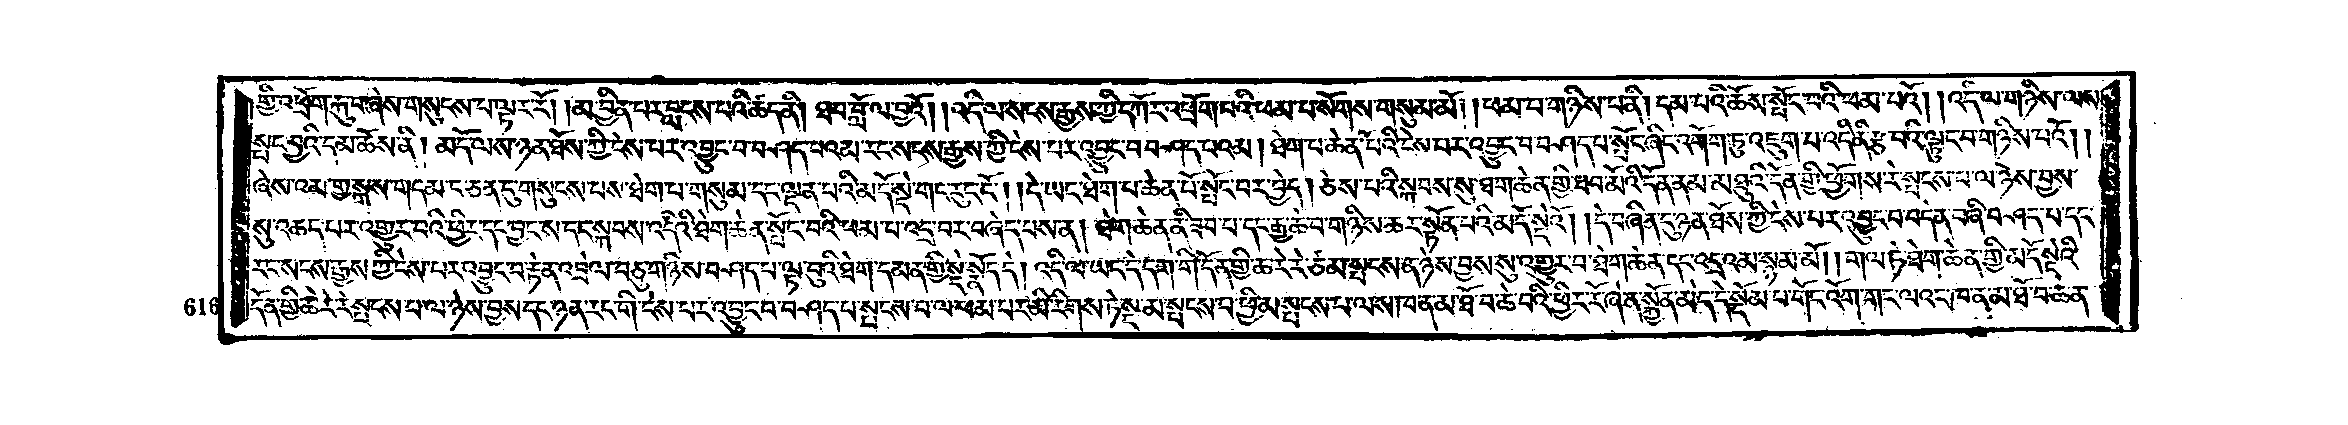གྱི་འཕྲོག་རྐུ་བ་ཞེས་གསུངས་པ་ལྟར་རོ། །མ་བྱིན་པར་བླངས་པའི་ཚད་ནི། ཐབ་བློ་ལ་བྱའོ། །འདི་ལ་སངས་རྒྱས་ཀྱི་དཀོར་འཕྲོག་པའི་ཕམ་པ་སོགས་གསུམ་མོ། །ཕམ་པ་གཉིས་པ་ནི། དམ་པའི་ཆོས་སྤོང་བའི་ཕམ་པའོ། །འདི་ལ་གཉིས་ལས་
སྤང་བྱའི་དམ་ཆོས་ནི། མདོ་ལས་ཉན་ཐོས་ཀྱི་ངེས་པར་འབྱུང་བ་བཤད་པའམ་རང་སངས་རྒྱས་ཀྱི་ངེས་པར་འབྱུང་བ་བཤད་པའམ། ཐེག་པ་ཆེན་པོའི་ངེས་པར་འབྱུང་བ་བཤད་པ་སྤོང་ཞིང་འགོག་ཏུ་འཇུག་པ་འདི་ནི་རྩ་བའི་ལྟུང་བ་གཉིས་པའོ། །
ཞེས་འམ་གྱ་སྒས་གདམ་ང་ཅན་དུ་གསུངས་པས་ཐེག་པ་གསུམ་དང་ལྡན་པའི་མདོ་སྡེ་གང་རུང་ངོ། །དེ་ཡང་ཐེག་པ་ཆེན་པོ་སྤོང་བར་བྱེད། ཅེས་པའི་སྐབས་སུ་ཐེག་ཆེན་གྱི་ཐབ་མོའི་དོན་ནམ་མཐུའི་དོན་གྱི་ཕྱོགས་རེ་སྤངས་པ་ལ་ཉེས་བྱས་
སུ་འཆད་པར་འགྱུར་བའི་ཕྱིར་དང་བྱང་ས་དང་སྐབས་འདིའི་ཐེག་ཆེན་སྤོང་བའི་ཕམ་པ་འདྲ་བར་བཞེད་པས་ན། ཐེག་ཆེན་ནི་ཟབ་པ་དང་རྒྱ་ཆེ་བ་གཉིས་ཆར་སྟོན་པའི་མདོ་སྡེའོ། །དེ་བཞིན་དུ་ཉན་ཐོས་ཀྱི་ངེས་པར་འབྱུང་བ་བདེན་བཞི་བཤད་པ་དང་
རང་སངས་རྒྱས་ཀྱི་ངེས་པར་འབྱུང་བ་རྟེན་འབྲེལ་བཅུ་གཉིས་བཤད་པ་ལྟ་བུའི་ཐེག་དམན་གྱི་སྡེ་སྣོད་དེ། འདི་ལ་ཡང་དེ་དག་གི་དོན་གྱི་ཆ་རེ་རེ་ཙམ་སྤངས་ན་ཉེས་བྱས་སུ་འགྱུར་བ་ཐེག་ཆེན་དང་འདྲ་འམ་སྙམ་མོ། །གལ་ཏེ་ཐེག་ཆེན་གྱི་མདོ་སྡེའི་
དོན་གྱི་ཆེ་རེ་རེ་སྤངས་པ་ལ་ཉེས་བྱས་དང་ཉན་རང་གི་ངེས་པར་འབྱུང་བ་བཤད་པ་སྤངས་པ་ལ་ཕམ་པར་མི་རིགས་ཏེ་སྔ་མ་སྤངས་པ་ཕྱི་མ་སྤངས་པ་ལས་ཁ་ན་མ་ཐོ་བ་ཆེ་བའི་ཕྱིར་རོ་ཞེ་ན་སྐྱོན་མེད་དེ་སྡོམ་པ་གོང་འོག་གང་ལའང་ཁ་ན་མ་ཐོ་བ་ཆ་ན་